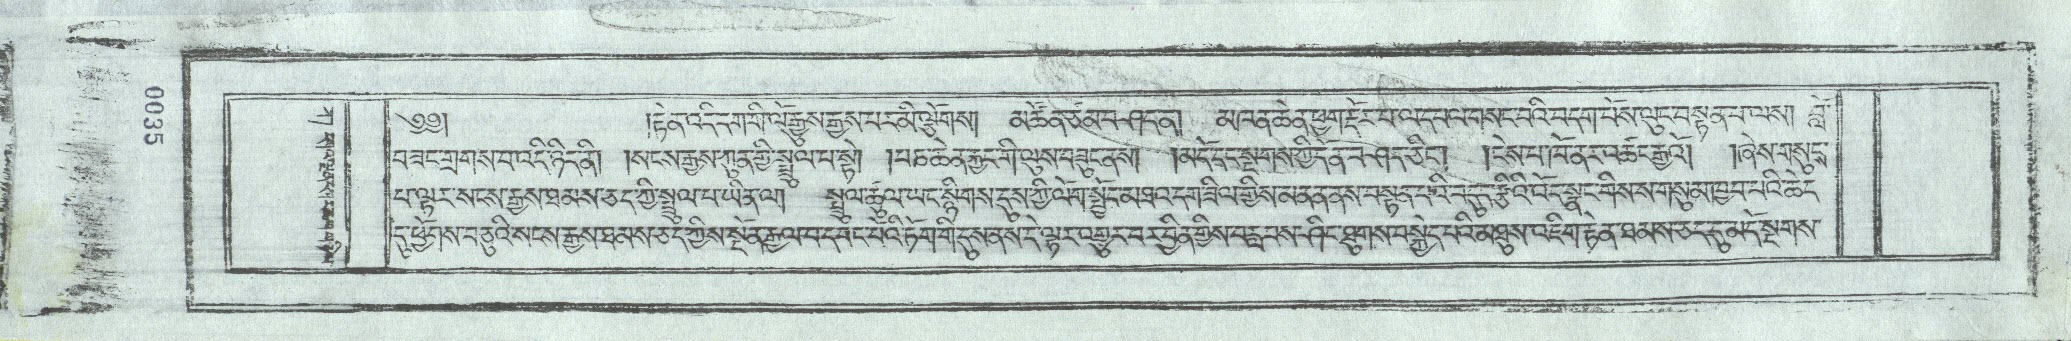༄༅། །རྟེན་འདི་དག་གི་ལོ་རྒྱུས་རྒྱས་པར་མི་ལྕོགས། མཚོན་ཙམ་བཤད་ན། མཁན་ཆེན་ཕྱག་རྡོར་པ་ལ་དཔལ་གསང་བའི་བདག་པོས་ལུང་བསྟན་པ་ལས། བློ་
བཟང་གྲགས་པའི་ཉིད་ནི། །སངས་རྒྱས་ཀུན་གྱི་སྤྲུལ་པ་སྟེ། །པཎ་ཆེན་རྐྱང་གི་ལུས་བཟུང་ནས། །མདོ་དང་སྔགས་ཀྱི་དོན་བཤད་ཅིང་། །ངེས་པ་ཁོ་ནར་འཚང་རྒྱའོ། །ཞེས་གསུངས་
པ་ལྟར་སངས་རྒྱས་ཐམས་ཅད་ཀྱི་སྤྲུལ་པ་ཡིན་ལ། སྤྲུལ་ཚུལ་ཡང་སྙིགས་དུས་ཀྱི་ལོག་སྤྱོད་མཐའ་དག་ཟིལ་གྱིས་མནན་ནས་བསྟན་པའི་བདུད་རྩིའི་འོད་སྣང་གིས་ས་གསུམ་ཁྱབ་པའི་ཆེད་
དུ་ཕྱོགས་བཅུའི་སངས་རྒྱས་ཐམས་ཅད་ཀྱིས་སྔོན་རྒྱལ་བ་དབང་པོའི་ཏོག་གི་དུས་ནས་དེ་ལྟར་འགྱུར་བར་བྱིན་གྱིས་བརླབས་ཤིང་ཐུགས་བསྐྱེད་པའི་མཐུས་འཇིག་རྟེན་ཐམས་ཅད་དུ་མདོ་སྔགས་